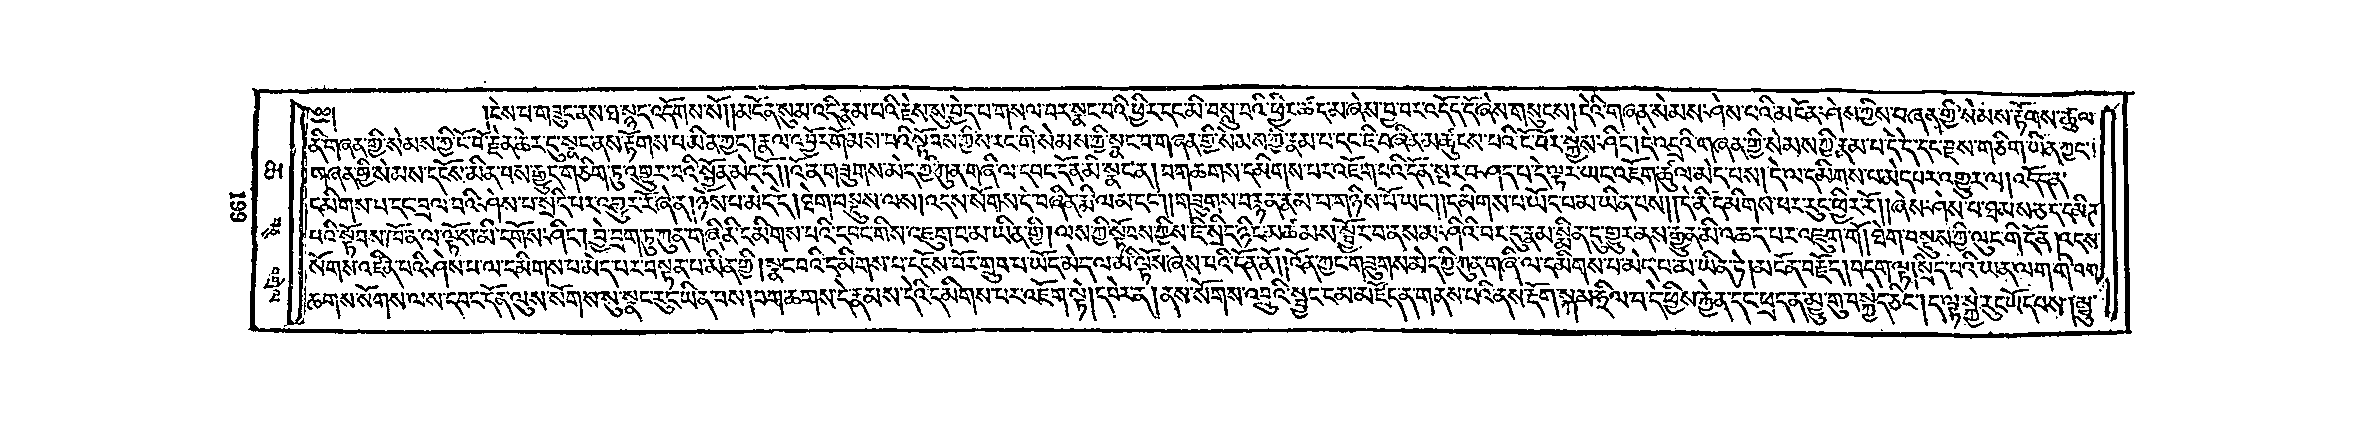༄༅། །ངེས་པ་གཟུང་ནས་ཐ་སྙད་འདོགས་སོ། །མངོན་སུམ་འདི་རྣམ་པའི་རྗེས་སུ་བྱེད་པ་གསལ་བར་སྣང་བའི་ཕྱིར་དང་མི་བསླུ་བའི་ཕྱིར་ཚད་མ་ཞེས་བྱ་བར་འདོད་དོ་ཞེས་གསུངས། དེའི་གཞན་སེམས་ཤེས་པའི་མངོན་ཤེས་ཀྱིས་གཞན་གྱི་སེམས་རྟོགས་ཚུལ་
ནི་གཞན་གྱི་སེམས་ཀྱི་ངོ་བོ་རྗེན་ཆེར་དུ་སྣང་ནས་རྟོགས་པ་མིན་ཀྱང་། རྣལ་འབྱོར་གོམས་པའི་སྟོབས་ཀྱིས་རང་གི་སེམས་ཀྱི་སྣང་བ་གཞན་གྱི་སེམས་ཀྱི་རྣམ་པ་དང་ཇི་བཞིན་མཚུངས་པའི་ངོ་བོར་སྐྱེས་ཤིང་། དེ་འདྲའི་གཞན་གྱི་སེམས་ཀྱི་རྣམ་པ་དེ་དེ་དང་རྫས་གཅིག་ཡིན་ཀྱང་
གཞན་གྱི་སེམས་དངོས་མིན་པས་རྒྱུད་གཅིག་ཏུ་འགྱུར་བའི་སྐྱོན་མེད་དོ། །འོ་ན་གཟུགས་མེད་ཀྱི་ཀུན་གཞི་ལ་དབང་དོན་མི་སྣང་ན། བག་ཆགས་དམིགས་པར་འཇོག་པའི་དོན་སྔར་བཤད་པ་དེ་ལྟར་ཡང་འཇོག་ཚུལ་མེད་པས། དེ་ལ་དམིགས་པ་མེད་པར་འགྱུར་ལ། འདོད་ན་
དམིགས་པ་དང་བྲལ་བའི་ཤེས་པ་སྲིད་པར་འགྱུར་རོ་ཞེ་ན། ཉོས་པ་མེད་དེ། ཐེག་བསྡུས་ལས། འདས་སོགས་དེ་བཞིན་རྨི་ལམ་དང་། །གཟུགས་བརྙན་རྣམ་པ་གཉིས་པོ་ཡང་།དམིགས་པ་ཡོད་པ་མ་ཡིན་པས།དེ་ནི་དམིགས་ཕར་རུང་ཕྱིར་རོ།ཞེས་ཤེས་པ་ཐམས་ཅད་དམིགས་
པའི་སྟོབས་ཁོ་ན་ལ་ལྟོས་མི་དགོས་ཤིང་། བྱེ་བྲག་ཏུ་ཀུན་གཞི་ནི་དམིགས་པའི་དབང་གིས་འཇུག་པ་མ་ཡིན་གྱི། ལས་ཀྱི་སྟོབས་ཀྱིས་ཇི་སྲིད་ཉིད་མཚམས་སྦྱོར་བ་ནས་མ་ཤིའི་བར་དུ་རྣམ་སྨིན་དུ་གྱུར་ནས་རྒྱུན་མི་འཆད་པར་འཇུག་གོ །ཐེག་བསྡུས་ཀྱི་ལུང་གི་དོན། འདས་
སོགས་འཛིན་པའི་ཤེས་པ་ལ་དམིགས་པ་མེད་པར་བསྟན་པ་མིན་གྱི། སྣང་བའི་དམིགས་པ་དངོས་པོར་གྲུབ་པ་ཡོད་མེད་ལ་མི་ལྟོས་ཞེས་པའི་དོན་ནོ། །འོན་ཀྱང་གཟུགས་མེད་ཀྱི་ཀུན་གཞི་ལ་དམིགས་པ་མེད་པ་མ་ཡིན་ཏེ། མངོན་བརྗོད། བདག་ལྟ། སྲིད་པའི་ཡན་ལག་གི་བག་
ཆགས་སོགས་ལས་དབང་དོན་ལུས་སོགས་སུ་སྣང་རུང་ཡིན་པས། བག་ཆགས་དེ་རྣམས་དེའི་དམིགས་པར་འཇོག་སྟེ། དཔེར་ན། ནས་སོགས་འབྲུའི་སྦྱང་ངམ་མཛོད་ན་གནས་པའི་ནས་རྡོག་སྐམ་ཧྲིལ་བ་དེ་ཕྱིས་རྐྱེན་དང་ཕྲད་ན་མྱུ་གུ་བསྐྱེད་ཅིང་། ད་ལྟ་སྐྱེ་རུང་ཡོད་པས། མྱུ་